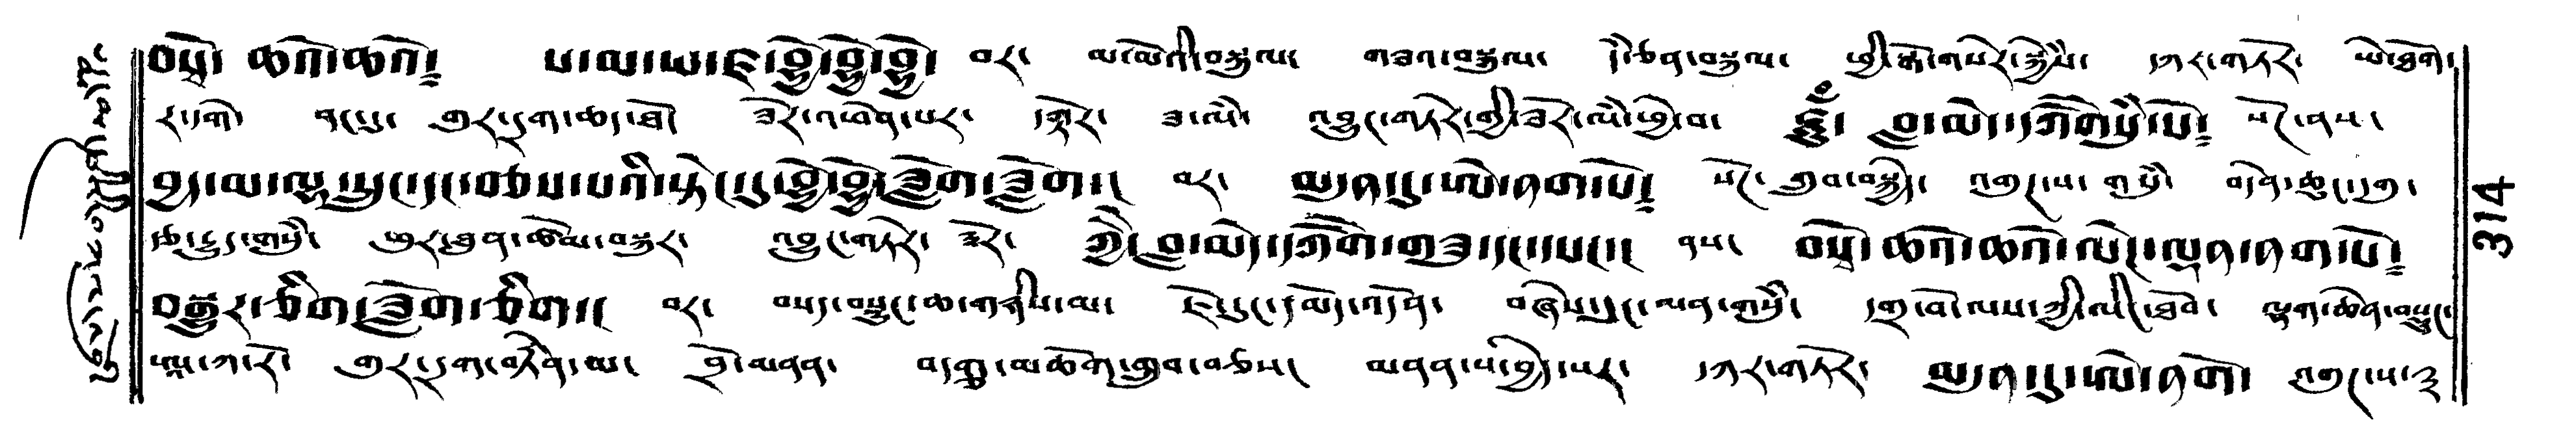བསྭོ་ཆའོ་ཆའོ༴ ནས་ས་མ་ཡ་ཛ་བྷྱོ་བྷྱོ་བྷྱོ། བར། མ་མོའི་བསྐུལ། གཟའ་བསྐུལ། དམ་ཅན་བསྐུལ། ཕྱི་སྒོ་གསེར་སྐྱེམས། དཀར་གཏོར། ཡེ་ཐོག 
ར་དགེ ནང་དུ་གུར་དྲག་ཆད་ཐོ། ཟོར་འཕེན་སར། དཀར་གཏོར། ཟ་ལམ། འབྱུང་གཏེར་གྱི་ཟོར་ལམ་ཕྱེ་བ། ཧཱུྃ། བླ་མེད་དཀོན་མཆོག་གསུམ་པོ༴ སོགས་ནས།
བྱད་མ་ལྷ་སྲུང་དང་བཅས་པའི་སྟེང་དུ་བྷྱོ་བྷྱོ་ཟློག་ཟློག བར། མདུན་དུ་ཨེ་ནག་པོ༴ སོགས་གྲུབ་བསྐྱེད། འགུགས་པ་གསུམ། བདེན་ཆུང་དགུ 
རྩ་རྒྱུད་གསུམ། ཕུར་ཐུན་ཚམས་བསྐུལ། འབྱུང་གཏེར་ཟོར། ཀྱཻ། བླ་མེད་དཀོན་མཆོག་གཟུ་དང་དཔང་། ནས། བསྭོ་ཆའོ་ཆའོ་ལེགས་ལྡན་ནག་པོ༴ 
བསྒྱུར་ཅིག་ཟློག་ཅིག བར། བསད་རྡུང་ཆ་གཉིས་མ། ཇོ་དུང་དམོད་འདོན། བཞེས་དུང་ལན་གསུམ། དགྲ་བོ་ལས་ཀྱི་ལིང་ཐོབ། ལྷག་ཆེན་རྡུང་། 
ཨཱ་ཀ་རོ༴ གུར་དྲག་བརྟན་མ། བྲོ་མནན། བདག་ཅག་མཆོག་གྲུབ༴ བཅས། མནན་པ་བྱེད་པར། དཀར་གཏོར། མདུན་དུ་ཨེ་ནག་པོ༴ 
འགུགས་པ་གསུམ།